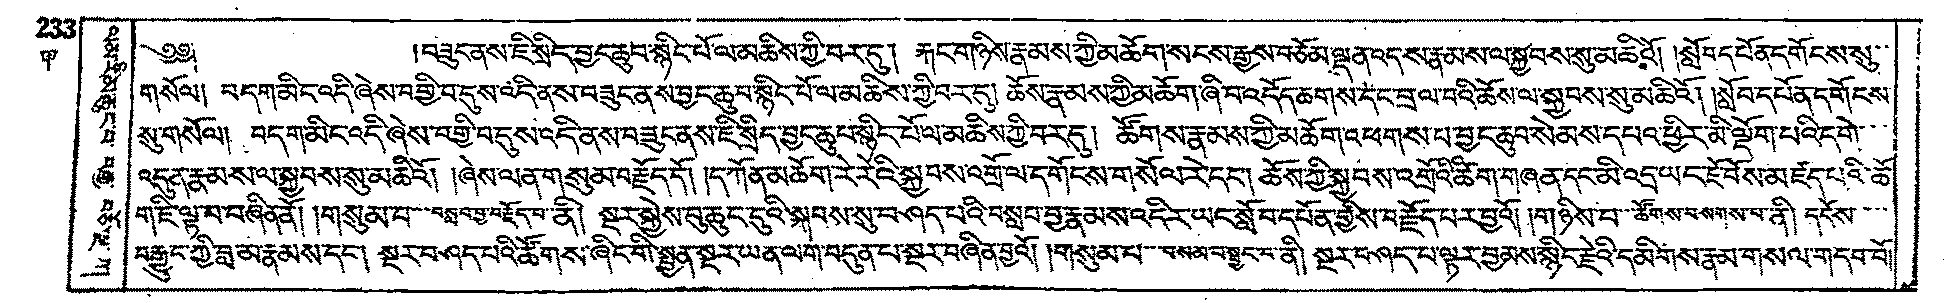༄༅། །བཟུང་ནས་ཇི་སྲིད་བྱང་ཆུབ་སྙིང་པོ་ལ་མཆིས་ཀྱི་བར་དུ། རྐང་གཉིས་རྣམས་ཀྱི་མཆོག་སངས་རྒྱས་བཅོམ་ལྡན་འདས་རྣམས་ལ་སྐྱབས་སུ་མཆིའོ། །སློབ་དཔོན་དགོངས་སུ་
གསོལ། བདག་མིང་འདི་ཞེས་བགྱི་བ་དུས་འདི་ནས་བཟུང་ནས་བྱང་ཆུབ་སྙིང་པོ་ལ་མཆིས་ཀྱི་བར་དུ། ཆོས་རྣམས་ཀྱི་མཆོག་ཞི་བ་འདོད་ཆགས་དང་བྲལ་བའི་ཆོས་ལ་སྐྱབས་སུ་མཆིའོ། །སློབ་དཔོན་དགོངས་
སུ་གསོལ། བདག་མིང་འདི་ཞེས་བགྱི་བ་དུས་འདི་ནས་བཟུང་ནས་ཇི་སྲིད་བྱང་ཆུབ་སྙིང་པོ་ལ་མཆིས་ཀྱི་བར་དུ། ཚོགས་རྣམས་ཀྱི་མཆོག་འཕགས་པ་བྱང་ཆུབ་སེམས་དཔའ་ཕྱིར་མི་ལྡོག་པའི་དགེ་
འདུན་རྣམས་ལ་སྐྱབས་སུ་མཆིའོ། །ཞེས་ལན་གསུམ་བརྗོད་དོ། །དཀོན་མཆོག་རེ་རེའི་སྐྱབས་འགྲོ་ལ་དགོངས་གསོལ་རེ་དང་། ཆོས་ཀྱི་སྐྱབས་འགྲོའི་ཚིག་གཞན་དང་མི་འདྲ་ཡང་ཇོ་བོས་མཛད་པའི་ཆོ་
ག་ཇི་ལྟ་བ་བཞིན་ནོ། །གསུམ་པབསླབ་བྱ་བརྗོད་པ་ནི། སྔར་སྐྱེས་བུ་ཆུང་དུའི་སྐབས་སུ་བཤད་པའི་བསླབ་བྱ་རྣམས་འདིར་ཡང་སློབ་དཔོན་གྱིས་བརྗོད་པར་བྱའོ། །གཉིས་པཚོགས་བསགས་པ་ནི། དངོས་
བརྒྱུང་ཀྱི་བླ་མ་རྣམས་དང་། སྔར་བཤད་པའི་ཚོགས་ཞིང་གི་སྤྱན་སྔར་ཡན་ལག་བདུན་པ་སྔར་བཞིན་བྱའོ། །གསུམ་པ་བསམ་པ་སྦྱང་བ་ནི། སྔར་བཤད་པ་ལྟར་བྱམས་སྙིང་རྗེའི་དམིགས་རྣམ་གསལ་གདབ་བོ།